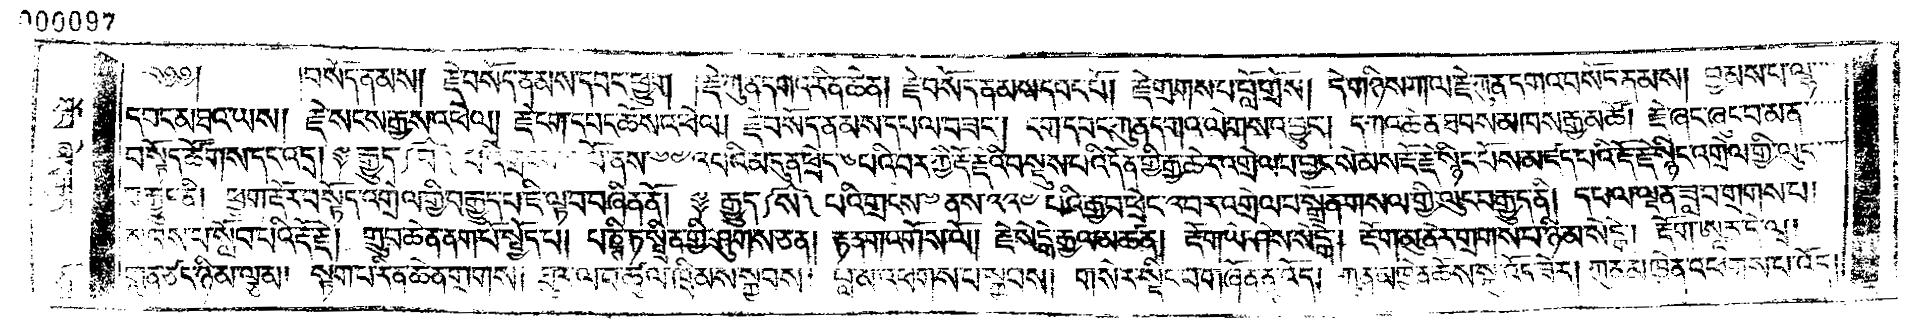༄༅། །བསོད་ནམས། རྗེ་བསོད་ནམས་དབང་ཕྱུག །རྗེ་ཀུན་དགའ་རིན་ཆེན། རྗེ་བསོད་ནམས་དབང་པོ། རྗེ་གྲགས་པ་བློ་གྲོས། དེ་གཉིས་ཀ་ལ་རྗེ་ཀུན་དགའ་བསོད་ནམས། བྱམས་པ་ལྷ་
དབང་མཐའ་ཡས། རྗེ་སངས་རྒྱས་འཕེལ། རྗེ་ངག་དབང་ཆོས་འཕེལ། རྗེ་བསོད་ནམས་དཔལ་བཟང་། ངག་དབང་ཀུན་དགའ་ལེགས་འབྱུང་། དཀའ་ཆེན་ཐབས་མཁས་རྒྱ་མཚོ། རྗེ་ཞང་ཞུང་བ་མན་
བསྟོད་ཚོགས་དང་འདྲ། ༈ རྒྱུད ༼བ༽ པའི་གྲངས ༩་པོ་ནས ༩༤༢་པའི་མདུན་ཕྲེང ༦་པའི་བར་ཀྱཻ་རྡོ་རྗེའི་བསྡུས་པའི་དོན་གྱི་རྒྱ་ཆེར་འགྲེལ་པ་བྱང་སེམས་རྡོ་རྗེ་སྙིང་པོས་མཛད་པའི་རྡོ་རྗེ་སྙིང་འགྲེལ་གྱི་ལུང་
བརྒྱུད་ནི། ཕྱག་རྡོར་བསྟོད་འགྲེལ་གྱི་བརྒྱུད་པ་ཇི་ལྟ་བ་བཞིན་ནོ། ༈ རྒྱུད ༼ས༽ པའི་གྲངས ༩་ནས ༢༢༤་པའི་རྒྱབ་ཕྲེང ༢་བར་འགྲེལ་པ་སྒྲོན་གསལ་གྱི་ལུང་བརྒྱུད་ནི། དཔལ་ལྡན་ཟླ་བ་གྲགས་པ།
མཁས་པ་སློབ་པའི་རྡོ་རྗེ། གྲུབ་ཆེན་ནག་པོ་སྤྱོད་པ། པཎྚི་ཏ་སྤྲིན་གྱི་ཤུགས་ཅན། རྟ་ནག་འགོས་ལོ། རྗེ་སེངྒེ་རྒྱལ་མཚན། རྡོག་ཡེ་ཤེས་སེངྒེ། རྡོག་མུ་ནེར་གྲགས་པ་ཉི་མ་སེངྒེ། རྡོག་ཨཱརྱ་དེ་ལྭ།
གླན་ཙང་ཉི་མ་ལྕམ། སྟག་པ་རིན་ཆེན་གྲགས། ཐུར་ལ་བ་ཚུལ་ཁྲིམས་སྐྱབས། བླ་མ་འཕགས་པ་སྐྱབས། གསེར་སྡིང་བ་གཞོན་ནུ་འོད། ཀུན་མཁྱེན་ཆོས་སྐུ་འོད་ཟེར། ཀུན་མཁྱེན་འཕགས་པ་འོད།